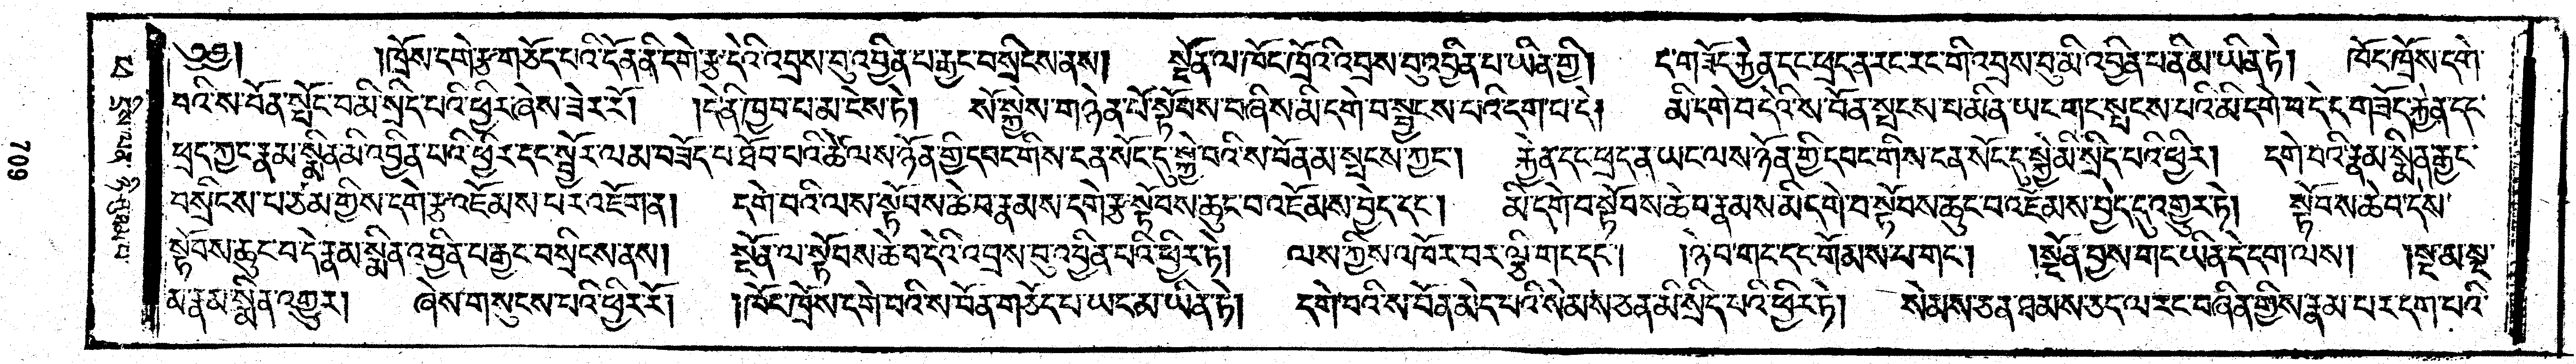༄༅། །ཁྲོས་དགེ་རྩ་གཅོད་པའི་དོན་ནི་དགེ་རྩ་དེའི་འབྲས་བུ་འབྱིན་པ་རྒྱང་བསྲིངས་ནས། སྔོན་ལ་ཁོང་ཁྲོའི་འབྲས་བུ་འབྱིན་པ་ཡིན་གྱི། ད་གཟོད་རྐྱེན་དང་ཕྲད་ན་རང་རང་གི་འབྲས་བུ་མི་འབྱིན་པ་ནི་མ་ཡིན་ཏེ། ཁོང་ཁྲོས་དགེ་
བའི་ས་བོན་སྤོང་བ་མི་སྲིད་པའི་ཕྱིར་ཞེས་ཟེར་རོ། །དེ་ནི་ཁྱབ་པ་མ་ངེས་ཏེ། སོ་སྐྱེས་གཉེན་པོ་སྟོབས་བཞིས་མི་དགེ་བ་སྦྱངས་པའི་དག་པ་དེ། མི་དགེ་བ་དེའི་ས་བོན་སྤངས་པ་མིན་ཡང་གང་སྤངས་པའི་མི་དགེ་བ་དེད་གཟོད་རྐྱེན་དང་
ཕྲད་ཀྱང་རྣམ་སྨིན་མི་འབྱིན་པའི་ཕྱིར་དང་སྦྱོར་ལམ་བཟོད་པ་ཐོབ་པའི་ཚེ་ལས་ཉོན་གྱི་དབང་གིས་ངན་སོང་དུ་སྐྱེ་བའི་ས་བོན་མ་སྤངས་ཀྱང་། རྐྱེན་དང་ཕྲད་ན་ཡང་ལས་ཉོན་གྱི་དབང་གིས་ངན་སོང་དུ་སྐྱེ་མི་སྲིད་པའི་ཕྱིར། དགེ་བའི་རྣམ་སྨིན་རྒྱང་
བསྲིངས་པ་ཙམ་གྱིས་དགེ་རྩ་འཇོམས་པར་འཇོག་ན། དགེ་བའི་ལས་སྟོབས་ཆེ་བ་རྣམས་དགེ་རྩ་སྟོབས་ཆུང་བ་འཇོམས་བྱེད་དང་། མི་དགེ་བ་སྟོབས་ཆེ་བ་རྣམས་མི་དགེ་བ་སྟོབས་ཆུང་བ་འཇོམས་བྱེད་དུ་འགྱུར་ཏེ། སྟོབས་ཆེ་བ་དེས་
སྟོབས་ཆུང་བ་དེ་རྣམ་སྨིན་འབྱིན་པ་རྒྱང་བསྲིངས་ནས། སྔོན་ལ་སྟོབས་ཆེ་བ་དེའི་འབྲས་བུ་འབྱིན་པའི་ཕྱིར་ཏེ། ལས་ཀྱིས་འཁོར་བར་ལྕི་གང་དང་། །ཉེ་བ་གང་དང་གོམས་པ་གང་། །སྔོན་བྱས་གང་ཡིན་དེ་དག་ལས། །སྔ་མ་སྔ་
མ་རྣམ་སྨིན་འགྱུར། ཞེས་གསུངས་པའི་ཕྱིར་རོ། །ཁོང་ཁྲོས་དགེ་བའི་ས་བོན་གཅོད་པ་ཡང་མ་ཡིན་ཏེ། དགེ་བའི་ས་བོན་མེད་པའི་སེམས་ཅན་མི་སྲིད་པའི་ཕྱིར་ཏེ། སེམས་ཅན་ཐམས་ཅད་ལ་རང་བཞིན་གྱིས་རྣམ་པར་དག་པའི་